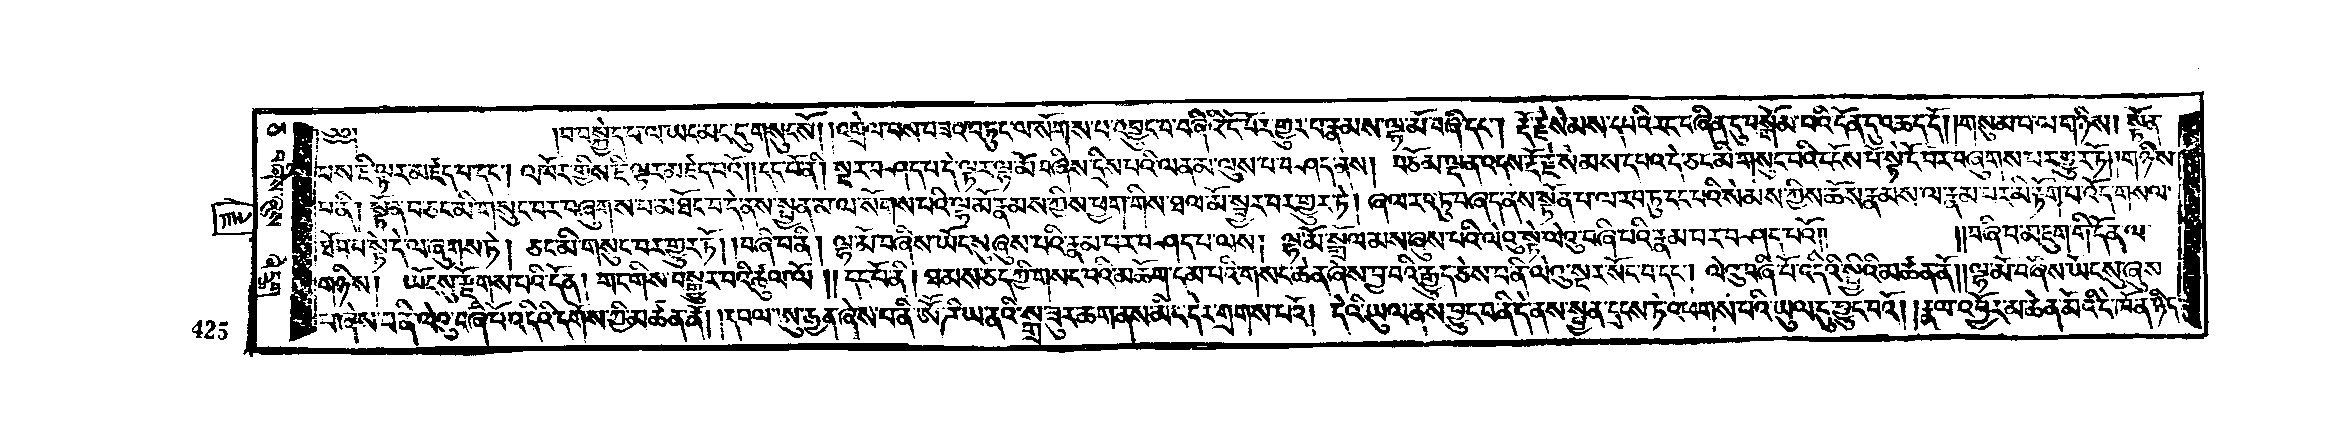༄༅། །བ་བསྐྱེད་པ་ལ་ཡང་མང་དུ་གསུངས་སོ། །འགྲེལ་བས་བཟའ་བཏུང་ལ་སོགས་པ་འབྱུང་བ་བཞིའི་ངོ་བོར་གྱུར་པ་རྣམས་ལྷ་མོ་བཞི་དང་། རྡོ་རྗེ་སེམས་དཔའི་རང་བཞིན་དུ་བསྒོམ་པའི་དོན་དུ་འཆད་དོ། །གསུམ་པ་ལ་གཉིས། །སྟོན་
པས་ཇི་ལྟར་མཛད་པ་དང་། འཁོར་གྱིས་ཇི་ལྟར་མཛད་པའོ། །དང་པོ་ནི། སྔར་བཤད་པ་དེ་ལྟར་ལྷ་མོ་བཞིས་དྲིས་པའི་ལན་མ་ལུས་པ་བཤད་ནས། བཅོམ་ལྡན་འདས་རྡོ་རྗེ་སེམས་དཔའ་དེ་ཅང་མི་གསུང་བའི་དངོས་པོ་སྟེ་ངོ་བོར་བཞུགས་པར་གྱུར་ཏོ། །གཉིས་
པ་ནི། སྟོན་པ་ཅང་མི་གསུང་བར་བཞུགས་པ་མཐོང་བ་དེ་ནས་སྤྱན་མ་ལ་སོགས་པའི་ལྷ་མོ་རྣམས་ཀྱིས་ཕྱག་གིས་ཐལ་མོ་སྦྱར་བར་གྱུར་ཏེ། ཞལ་རབ་ཏུ་བཞད་ནས་སྟོན་པ་ལ་རབ་ཏུ་དང་བའི་སེམས་ཀྱིས་ཆོས་རྣམས་ལ་རྣམ་པར་མི་རྟོག་པ་འོད་གསལ་
ཐོབ་པ་སྟེ་དེ་ལ་ཞུགས་ཏེ། ཅང་མི་གསུང་བར་གྱུར་ཏོ། །བཞི་པ་ནི། ལྷ་མོ་བཞིས་ཡོངས་སུ་ཞུས་པའི་རྣམ་པར་བཤད་པ་ལས། ལྷ་མོ་སྒྲོལ་མས་ཞུས་པའི་ལེའུ་སྟེ་ལེའུ་བཞི་པའི་རྣམ་པར་བཤད་པའོ།། །།བཞི་པ་མཇུག་གི་དོན་ལ་
གཉིས། ཡོངས་སུ་རྫོགས་པའི་དོན། གང་གིས་བསྒྱུར་བའི་ཚུལ་ལོ། །དང་པོ་ནི། ཐམས་ཅད་ཀྱི་གསང་བའི་མཆོག་དམ་པའི་གསང་ཆེན་ཞེས་བྱ་བའི་རྒྱུད་ཅེས་པ་ནི་ལེའུ་སྔར་སོང་བ་དང་། ལེའུ་བཞི་པོ་འདིའི་སྤྱིའི་མཚན་ནོ། །ལྷ་མོ་བཞིས་ཡོངས་སུ་ཞུས་
པ་ཞེས་པ་ནི་ལེའུ་བཞི་པོ་འདིའི་དགོས་ཀྱི་མཚན་ནོ། །དཔལ་ཨུ་རྒྱན་ཞེས་པ་ནི་ཨཽ་ཌི་ཡ་ནའི་སྒྲ་ཟུར་ཆག་ནས་མིང་དེར་གྲགས་པའོ། དེའི་ཡུལ་ནས་བྱུང་བ་ནི་དེ་ནས་སྤྱན་དྲངས་ཏེ་འཕགས་པའི་ཡུལ་དུ་བྱུང་བའོ། །རྣལ་འབྱོར་མ་ཆེན་མོའི་དེ་ཁོ་ན་ཉིད་